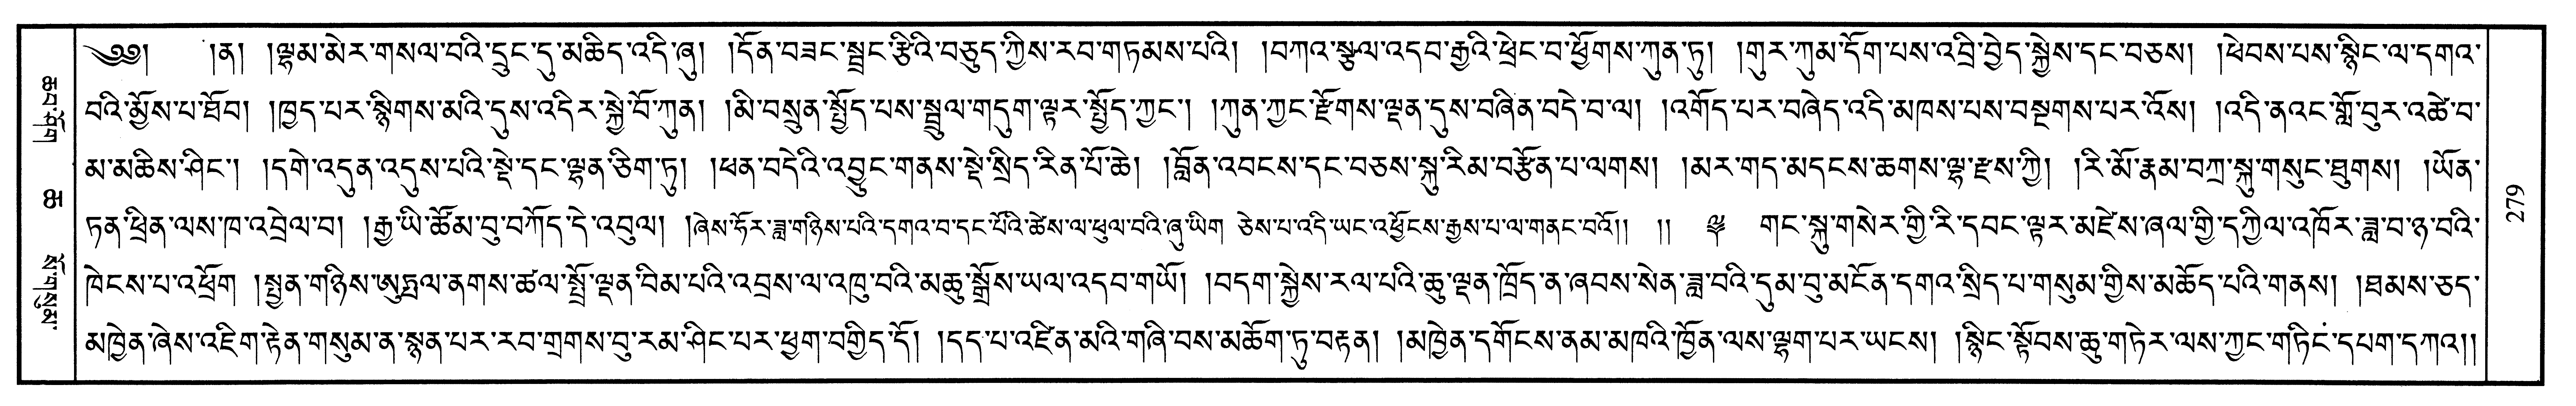༄༅། །ན། །ལྷམ་མེར་གསལ་བའི་དྲུང་དུ་མཆིད་འདི་ཞུ། །དོན་བཟང་སྦྲང་རྩིའི་བཅུད་ཀྱིས་རབ་གཏམས་པའི། །བཀའ་སྩལ་འདབ་རྒྱའི་ཕྲེང་བ་ཕྱོགས་ཀུན་ཏུ། །གུར་ཀུམ་དོག་པས་འབྲི་བྱེད་སྐྱེས་དང་བཅས། །ཕེབས་པས་སྙིང་ལ་དགའ་
བའི་མྱོས་པ་ཐོབ། །ཁྱད་པར་སྙིགས་མའི་དུས་འདིར་སྐྱེ་བོ་ཀུན། །མི་བསྲུན་སྤྱོད་པས་སྦྲུལ་གདུག་ལྟར་སྤྱོད་ཀྱང་། །ཀུན་ཀྱང་རྫོགས་ལྡན་དུས་བཞིན་བདེ་བ་ལ། །འགོད་པར་བཞེད་འདི་མཁས་པས་བསྔགས་པར་འོས། །འདི་ནའང་གློ་བུར་འཚེ་བ་
མ་མཆིས་ཤིང་། །དགེ་འདུན་འདུས་པའི་སྡེ་དང་ལྷན་ཅིག་ཏུ། །ཕན་བདེའི་འབྱུང་གནས་སྡེ་སྲིད་རིན་པོ་ཆེ། །བློན་འབངས་དང་བཅས་སྐུ་རིམ་བརྩོན་པ་ལགས། །མར་གད་མདངས་ཆགས་ལྷ་རྫས་ཀྱི། །རི་མོ་རྣམ་བཀྲ་སྐུ་གསུང་ཐུགས། །ཡོན་
ཏན་ཕྲིན་ལས་ཁ་འབྲེལ་བ། །རྒྱ་ཡི་ཚོམ་བུ་བཀོད་དེ་འབུལ། །ཞེས་ཧོར་ཟླ་གཉིས་པའི་དགའ་བ་དང་པོའི་ཚེས་ལ་ཕུལ་བའི་ཞུ་ཡིག །ཅེས་པ་འདི་ཡང་འཕྱོངས་རྒྱས་པ་ལ་གནང་བའོ།། །། ༈ གང་སྐུ་གསེར་གྱི་རི་དབང་ལྟར་མཛེས་ཞལ་གྱི་དཀྱིལ་འཁོར་ཟླ་བ་ཉ་བའི་
ཁེངས་པ་འཕྲོག །སྤྱན་གཉིས་ཨུཏྤལ་ནགས་ཚལ་སྤྲོ་ལྡན་བིམ་པའི་འབྲས་ལ་འཁུ་བའི་མཆུ་སྒྲོས་ཡལ་འདབ་གཡོ། །བདག་སྐྱེས་རལ་པའི་ཆུ་ལྡན་ཁྲོད་ན་ཞབས་སེན་ཟླ་བའི་དུམ་བུ་མངོན་དགའ་སྲིད་པ་གསུམ་གྱིས་མཆོད་པའི་གནས། །ཐམས་ཅད་
མཁྱེན་ཞེས་འཇིག་རྟེན་གསུམ་ན་སྙན་པར་རབ་གྲགས་བུ་རམ་ཤིང་པར་ཕྱག་བགྱིད་དོ། །དད་པ་འཛིན་མའི་གཞི་བས་མཆོག་ཏུ་བརྟན། །མཁྱེན་དགོངས་ནམ་མཁའི་ཁྱོན་ལས་ལྷག་པར་ཡངས། །སྙིང་སྟོབས་ཆུ་གཏེར་ལས་ཀྱང་གཏིང་དཔག་དཀའ།།